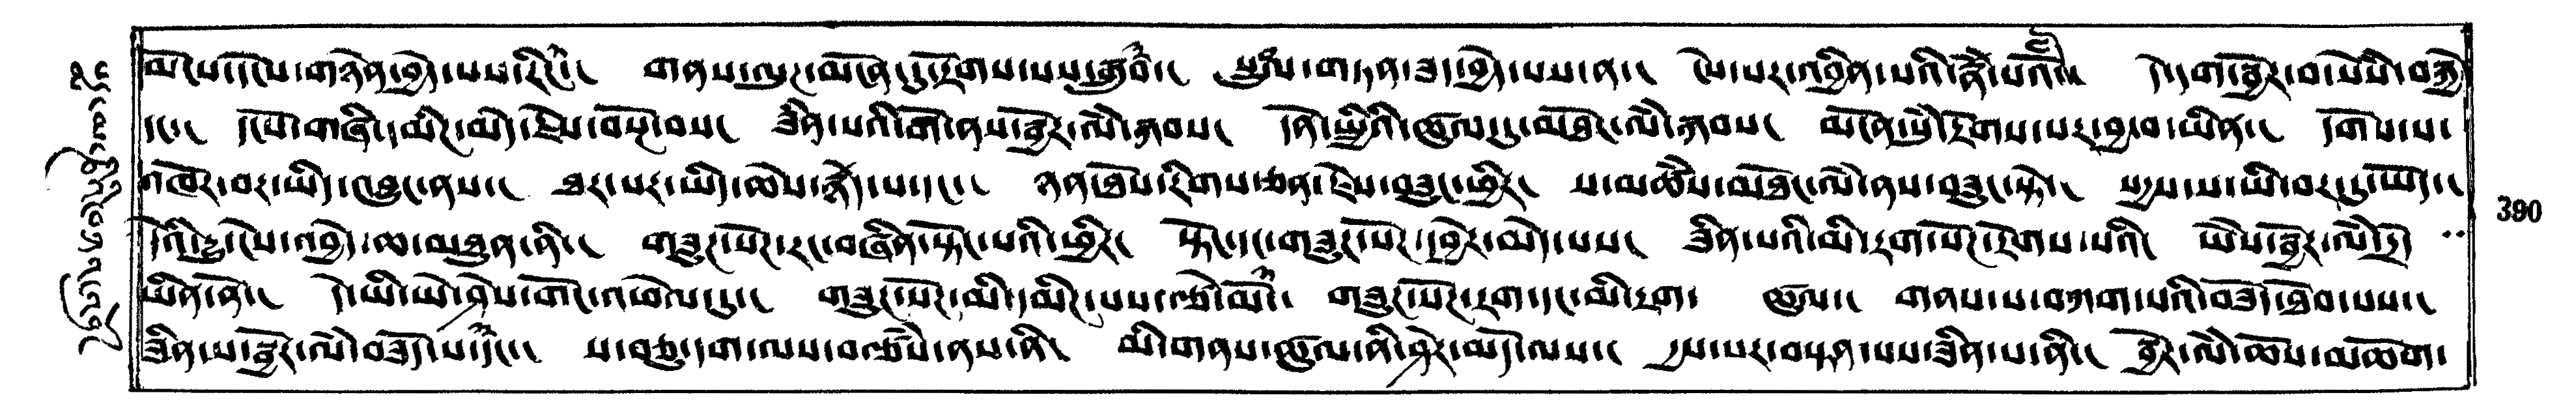མོངས་དངོས་གཉེན་བྱེད་པས་རིགས། །གནས་ལུགས་མངོན་དུ་རྟོགས་པས་སྒྲུབ། །སྡུག་བསྔལ་གཏན་ཟད་བྱེད་པས་ན། །ངེས་པར་འབྱིན་པའི་རྣམ་པའོ། །དེ་དག་སྦྱོར་བ་སེམས་བསྐྱེད་
དང་། །དངོས་གཞི་དམིགས་མེད་རྗེས་བསྔོ་བས། །ཟིན་པའི་སྒོ་ནས་སྦྱོར་ལམ་སྐབས། །དོན་སྤྱིའི་ཚུལ་དུ་མཐོང་ལམ་སྐབས། །མངོན་སུམ་རྟོགས་པར་བྱ་བ་ཡིན། །དགོས་པ་
འཁོར་བར་ཡིད་འབྱུང་ནས། །ཐར་པར་ཡིད་ཆེས་རྙེད་པ་དང་། །ཉན་ཐོས་རིགས་ཅན་རྗེས་བཟུང་ཕྱིར། །ས་མཚམས་མཐོང་ལམ་ནས་བཟུང་སྟེ། །སངས་རྒྱས་ས་ཡི་བར་དུ་ཡོད། །
དེའི་རྒྱུ་ངེས་འབྱེད་ཆ་མཐུན་ནི། །གཟུགས་སོགས་རང་བཞིན་སྟོང་པའི་ཕྱིར། །སྟོང་དང་གཟུགས་སོགས་དབྱེར་མེད་པས། །ཟིན་པའི་མི་རྟག་སོགས་རྟོགས་པའི། །ཡེ་ཤེས་སྦྱོར་ལམ་དྲོད་
ཡིན་ནོ། །དེ་ཡི་ཡེ་ཤེས་གོང་འཕེལ་དུ། །གཟུགས་སོགས་མི་དམིགས་པས་རྩེ་མོ། །གཟུགས་སོགས་རྟག་དང་མི་རྟག་ཚུལ། །གནས་པ་བཀག་པའི་བཟོད་ཐོབ་པས། །
ཟིན་པ་སྦྱོར་ལམ་བཟོད་པ་དང་། །ས་བཅུ་དག་ལས་བརྩམས་ནས་ནི། །མི་གནས་ཚུལ་ནི་ཤེར་མདོ་ལས། །རྒྱས་པར་བསྟན་པས་ཟིན་པ་ནི། །སྦྱོར་ལམ་ཆོས་མཆོག་